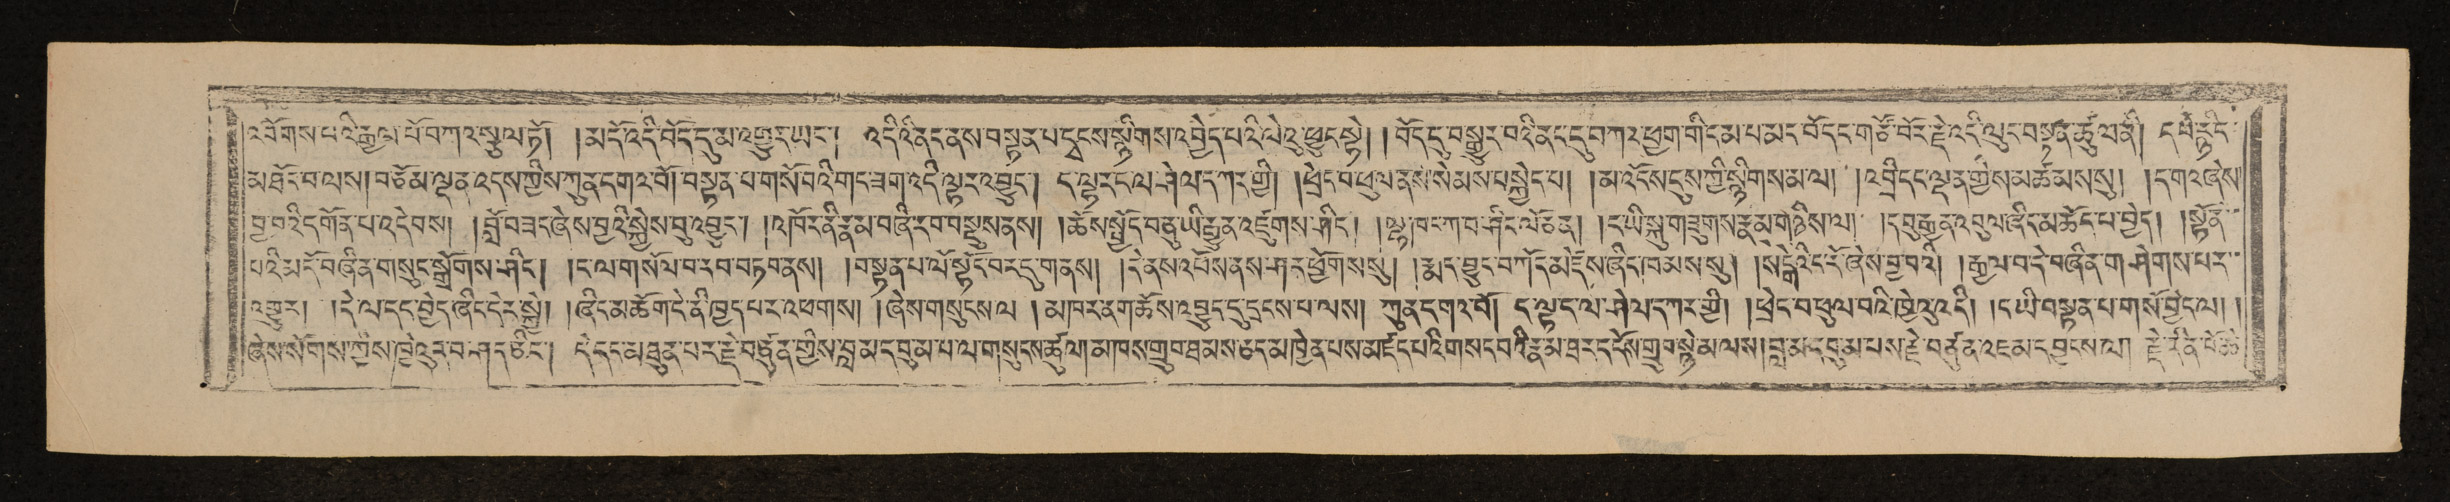འབོགས་པའི་རྒྱལ་པོ་བཀའ་སྩལ་ཏོ། །མདོ་འདི་བོད་དུ་མ་འགྱུར་ཡང་། འདིའི་ནང་ནས་བསྟན་པ་དྭངས་སྙིགས་འབྱེད་པའི་ལེའུ་ཕྱུང་སྟེ། བོད་དུ་བསྒྱུར་བའི་ནང་དུ་བཀའ་ཕྱག་གི་དམ་པ་མང་པོ་དང་གཙོ་བོར་རྗེ་འདི་ལུང་བསྟན་ཚུལ་ནི། དཔེ་རྙིང་
མཐོང་བ་ལས། བཅོམ་ལྡན་འདས་ཀྱིས་ཀུན་དགའ་བོ། བསྟན་པ་གསོ་བའི་གང་ཟག་འདི་ལྟར་འབྱུང་། ད་ལྟར་ང་ལ་ཤེལ་དཀར་གྱི། །ཕྲེང་བ་ཕུལ་ནས་སེམས་བསྐྱེད་པ། །མ་འོངས་དུས་ཀྱི་སྙིགས་མ་ལ། །འབྲི་དང་ལྡན་གྱི་ས་མཚམས་སུ། །དགའ་ཞེས་
བྱ་བའི་དགོན་པ་འདེབས། །བློ་བཟང་ཞེས་བྱའི་སྐྱེས་བུ་འབྱུང་། །འཁོར་ནི་རྣམ་བཞི་རབ་བསྡུས་ནས། །ཆོས་སྤྱོད་བཅུ་ཡི་རྒྱུན་འཛུགས་ཤིང་། །ལྷ་ཁང་ཀ་བ་ཤིང་ལོ་ཅན། །ང་ཡི་སྐུ་གཟུགས་རྣམ་གཉིས་ལ། །དབུ་རྒྱན་འབུལ་ཞིང་མཆོད་པ་བྱེད། །སྟོན་
པའི་མདོ་བཞིན་གསུང་སྒྲོགས་ཤིང་། །ང་ལ་གསོལ་བ་རབ་བཏབ་ནས། །བསྟན་པ་ལོ་སྟོང་བར་དུ་གནས། །དེ་ནས་འཕོས་ནས་ཤར་ཕྱོགས་སུ། །རྨད་བྱུང་བཀོད་མཛེས་ཞིང་ཁམས་སུ། །སེངྒེའི་ང་རོ་ཞེས་བྱ་བའི། །རྒྱལ་བ་དེ་བཞིན་གཤེགས་པར་
འགྱུར། །དེ་ལ་དད་བྱེད་ཞིང་དེར་སྐྱེ། །ཞིང་མཆོག་དེ་ནི་ཁྱད་པར་འཕགས། །ཞེས་གསུངས་ལ། མཁར་ནག་ཆོས་འབྱུང་དུ་དྲངས་པ་ལས། ཀུན་དགའ་བོ། ད་ལྟ་ང་ལ་ཤེལ་དཀར་གྱི། །ཕྲེང་བ་ཕུལ་བའི་ཁྱེའུ་འདི། །ང་ཡི་བསྟན་པ་གསོ་བྱེད་ལ། །
ཞེས་སོགས་ཀྱིས་ཁྱེའུར་བཤད་ཅིང་། དེ་དང་མཐུན་པར་རྗེ་བཙུན་གྱིས་བླ་མ་དབུ་མ་པ་ལ་གསུངས་ཚུལ། མཁས་གྲུབ་ཐམས་ཅད་མཁྱེན་པས་མཛད་པའི་གསང་བའི་རྣམ་ཐར་དངོས་གྲུབ་སྙེམ་ལས། བླ་མ་དབུ་མ་པས་རྗེ་བཙུན་འཇམ་དབྱངས་ལ། རྗེ་རིན་པོ་ཆེ་